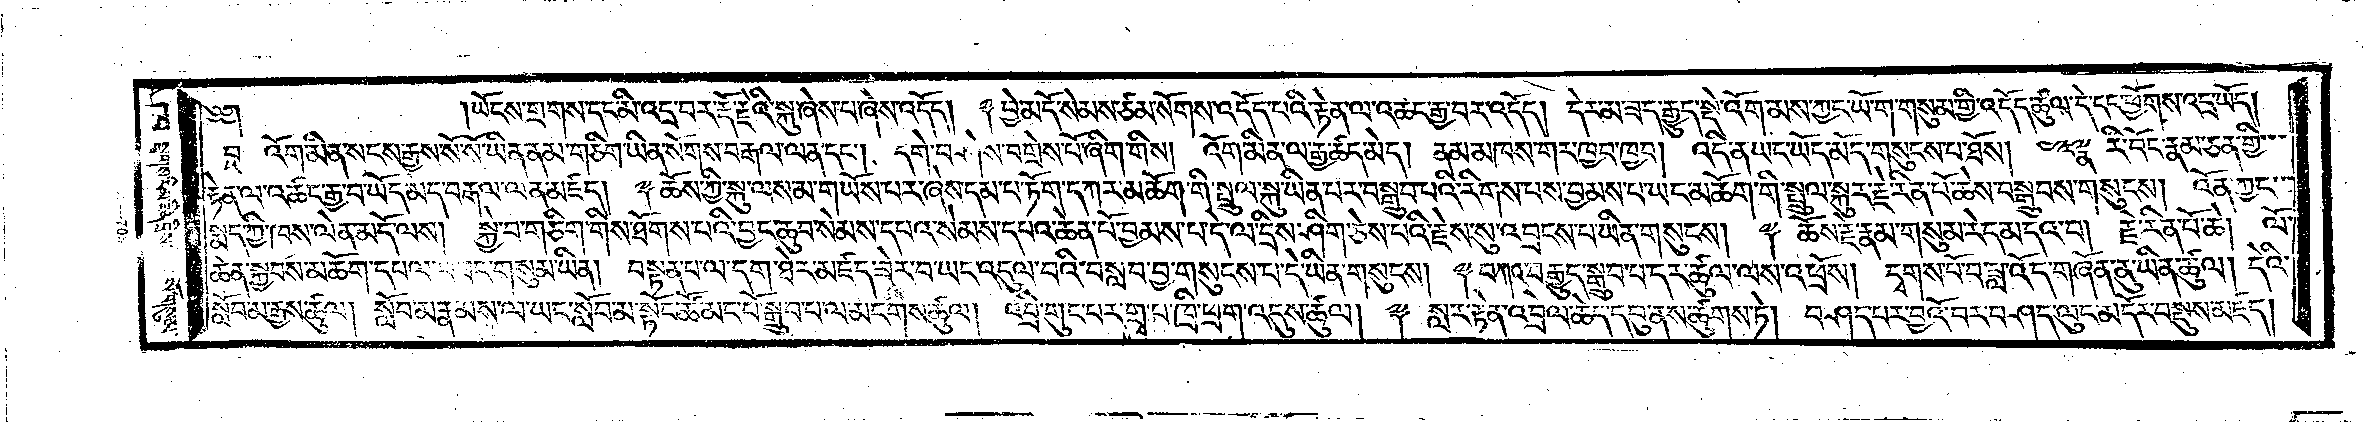༄༅། །ཡོངས་གྲགས་དང་མི་འདྲ་བར་རྡོ་རྗེའི་སྐུ་ཞེས་པ་ཞེས་འདོད། ༈ བྱེ་མདོ་སེམས་ཙམ་སོགས་འདོད་པའི་རྟེན་ལ་འཆང་རྒྱ་བར་འདོད། དེར་མ་ཟད་རྒྱུད་སྡེ་འོག་མས་ཀྱང་ཡོ་ག་གསུམ་གྱི་འདོད་ཚུལ་དེ་དང་ཕྱོགས་འདྲ་ཡོད།
བ༥་འོག་མིན་སངས་རྒྱས་སོ་སོ་ཡིན་ནམ་གཅིག་ཡིན་སོགས་བརྒལ་ལན་དང་། དགེ་བཤེས་བགྲེས་པོ་ཞིག་གིས། འོག་མིན་ལ་རྒྱ་ཚད་མེད། ནམ་མཁས་གར་ཁྱབ་ཁྱབ། འདི་ན་ཡང་ཡོད་མོད་གསུངས་པ་ཐོས། ༤༣༧ན་རི་བོང་རྣམ་ཅན་གྱི་
རྟེན་ལ་འཚང་རྒྱ་བ་ཡོད་མད་བརྒལ་ལན་མཛད། ༈ ཆོས་ཀྱི་སྐུ་ལས་མ་གཡོས་པར་ཞེས་དམ་པ་ཏོག་དཀར་མཆོག་གི་སྤྲུལ་སྐུ་ཡིན་པར་བསྒྲུབ་པའི་རིགས་པས་བྱམས་པ་ཡང་མཆོག་གི་སྤྲུལ་སྐུར་རྗེ་རིན་པོ་ཆེས་བསྒྲུབས་གསུངས། འོན་ཀྱང་
སྨད་ཀྱི་ཁས་ལེན་མདོ་ལས། སྐྱེ་བ་གཅིག་གིས་ཐོགས་པའི་བྱང་ཆུབ་སེམས་དཔའ་སེམས་དཔའ་ཆེན་པོ་བྱམས་པ་དེ་ལ་དྲིས་ཤིག་ཅེས་པའི་རྗེས་སུ་འབྲངས་པ་ཡིན་གསུངས། ༈ ཆོས་རྗེ་རྣམ་གསུམ་རེད་མདའ་བ། རྗེ་རིན་པོ་ཆེ། ལོ་
ཆེན་སྐྱབས་མཆོག་དཔལ་བཟང་གསུམ་ཡིན། བསྟན་པ་ལ་དག་ཐེར་མཛད་ཟེར་བ་ཡང་འདུལ་བའི་བསླབ་བྱ་གསུངས་པ་དེ་ཡིན་གསུངས། ༈ བཀའ་བརྒྱུད་སྒྲུབ་པ་དར་ཚུལ་ལས་འཕྲོས། དྭགས་པོ་བ་ཟླ་འོད་གཞོན་ནུ་ཡིན་ཚུལ། དེའི་
སློབ་མ་རྒྱས་ཚུལ། སློབ་མ་རྣམས་ལ་ཡང་སློབ་མ་སྟོང་ཚོ་མང་པོ་སྒྲུབ་པ་ལ་མངགས་ཚུལ། འབྲི་གུང་པར་གྲྭ་པ་ཁྲི་ཕྲག་འདུས་ཚུལ། ༈ སླར་རྟེན་འབྲེལ་ཆེད་དབུ་ནས་ཚུགས་ཏེ། བཤད་པར་བྱའོ་བར་བཤད་ལུང་མདོར་བསྡུས་མཛད།